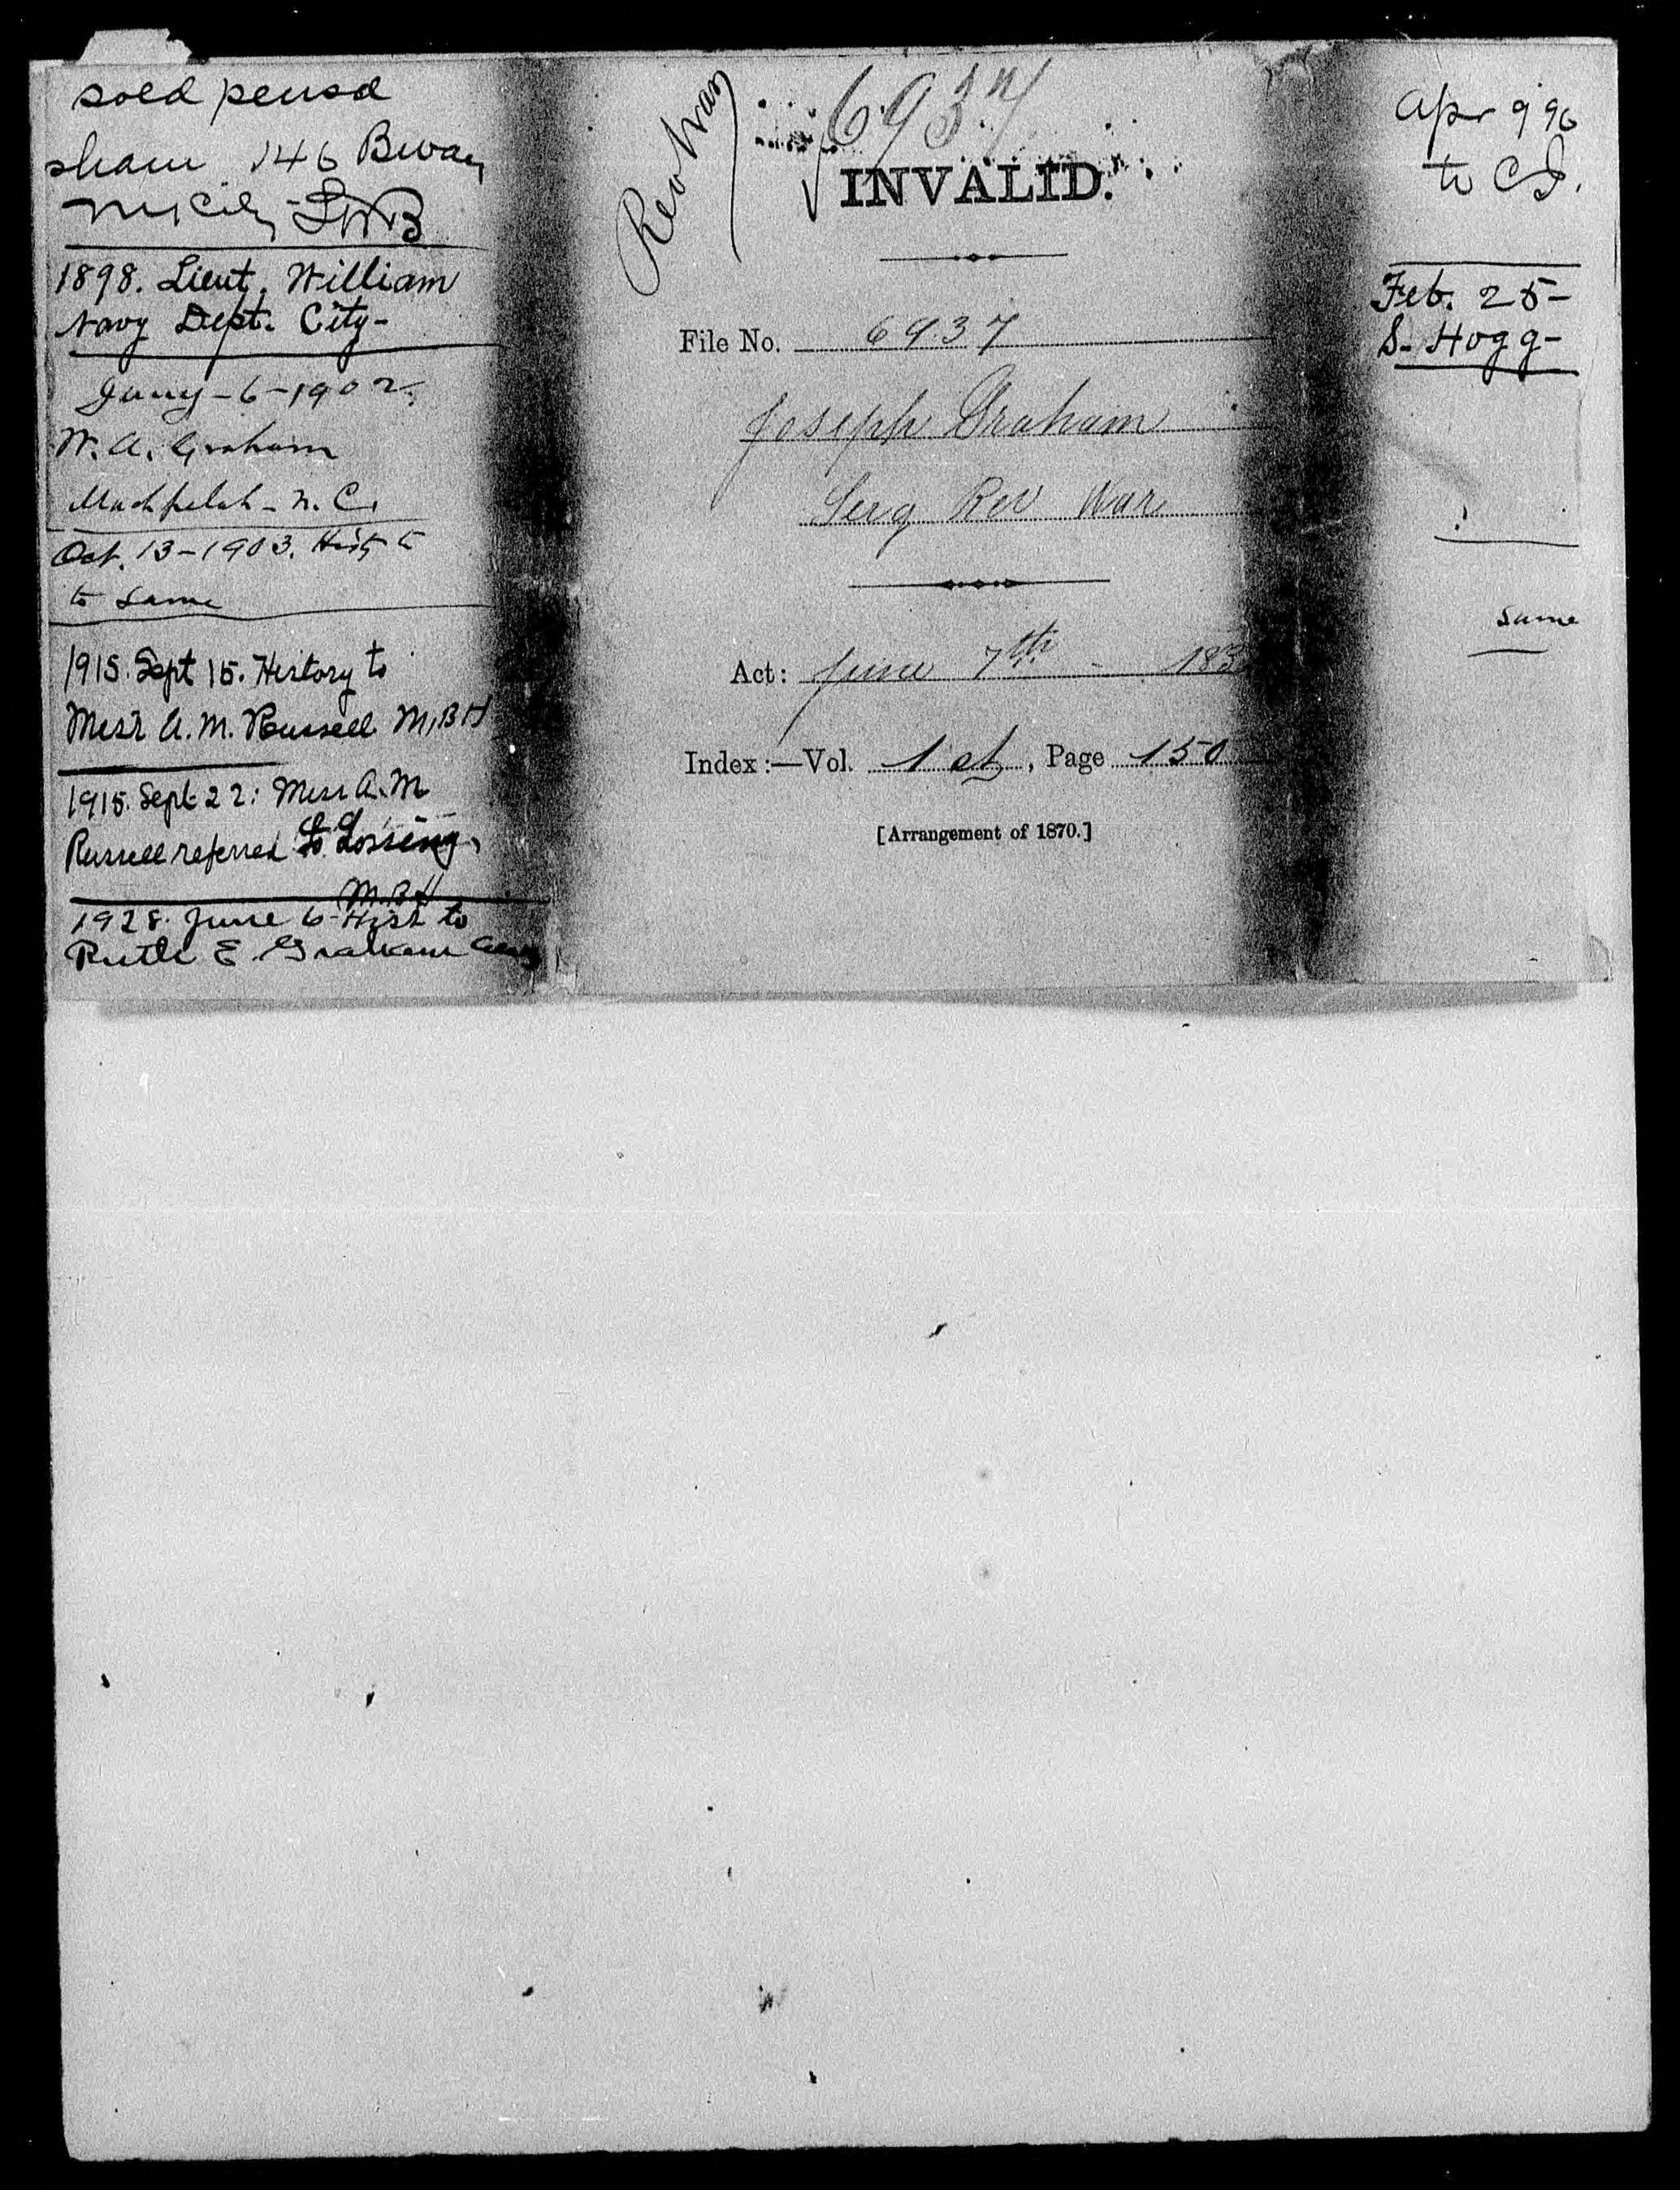sold period
Graham 146 Bway
NY City - LWB
________________________________
1898 . Lieut. William Navy Dept. City - 
________________________________
Jan'y -6- 1902
W.A. Graham
Machpelah - N.C.
__________________________________
Oct. 13-1903. Hist. to same
__________________________________
1915 Sept. 15 History to Miss A. M. Russell M.B.H.
_____________________________________
1915. Se[t -22: Miss A. M. Russell referred to Lossing M.B.H.
_______________________________________
1928. June 6 - Hist. to Ruth E. Graham awf
__________________________________________
Apr. 99 G to C. J.
_________________________________________
Feb. 25 - S. Hogg - 

6934
Rev. War.
INVALID.
File No. 6937
Joseph Graham
Serg. Rev. War
_______________
Act: June 7th - 1832
Index:-Vol. 1st, Page 150
[Arrangement of 1870.]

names: S Hogg, Ruth E Graham, A M Russell, Joseph Graham, W A Graham, A M Russell, William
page: 34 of 55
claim: survivor's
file: S. 6,937, Joseph Graham, N.C.